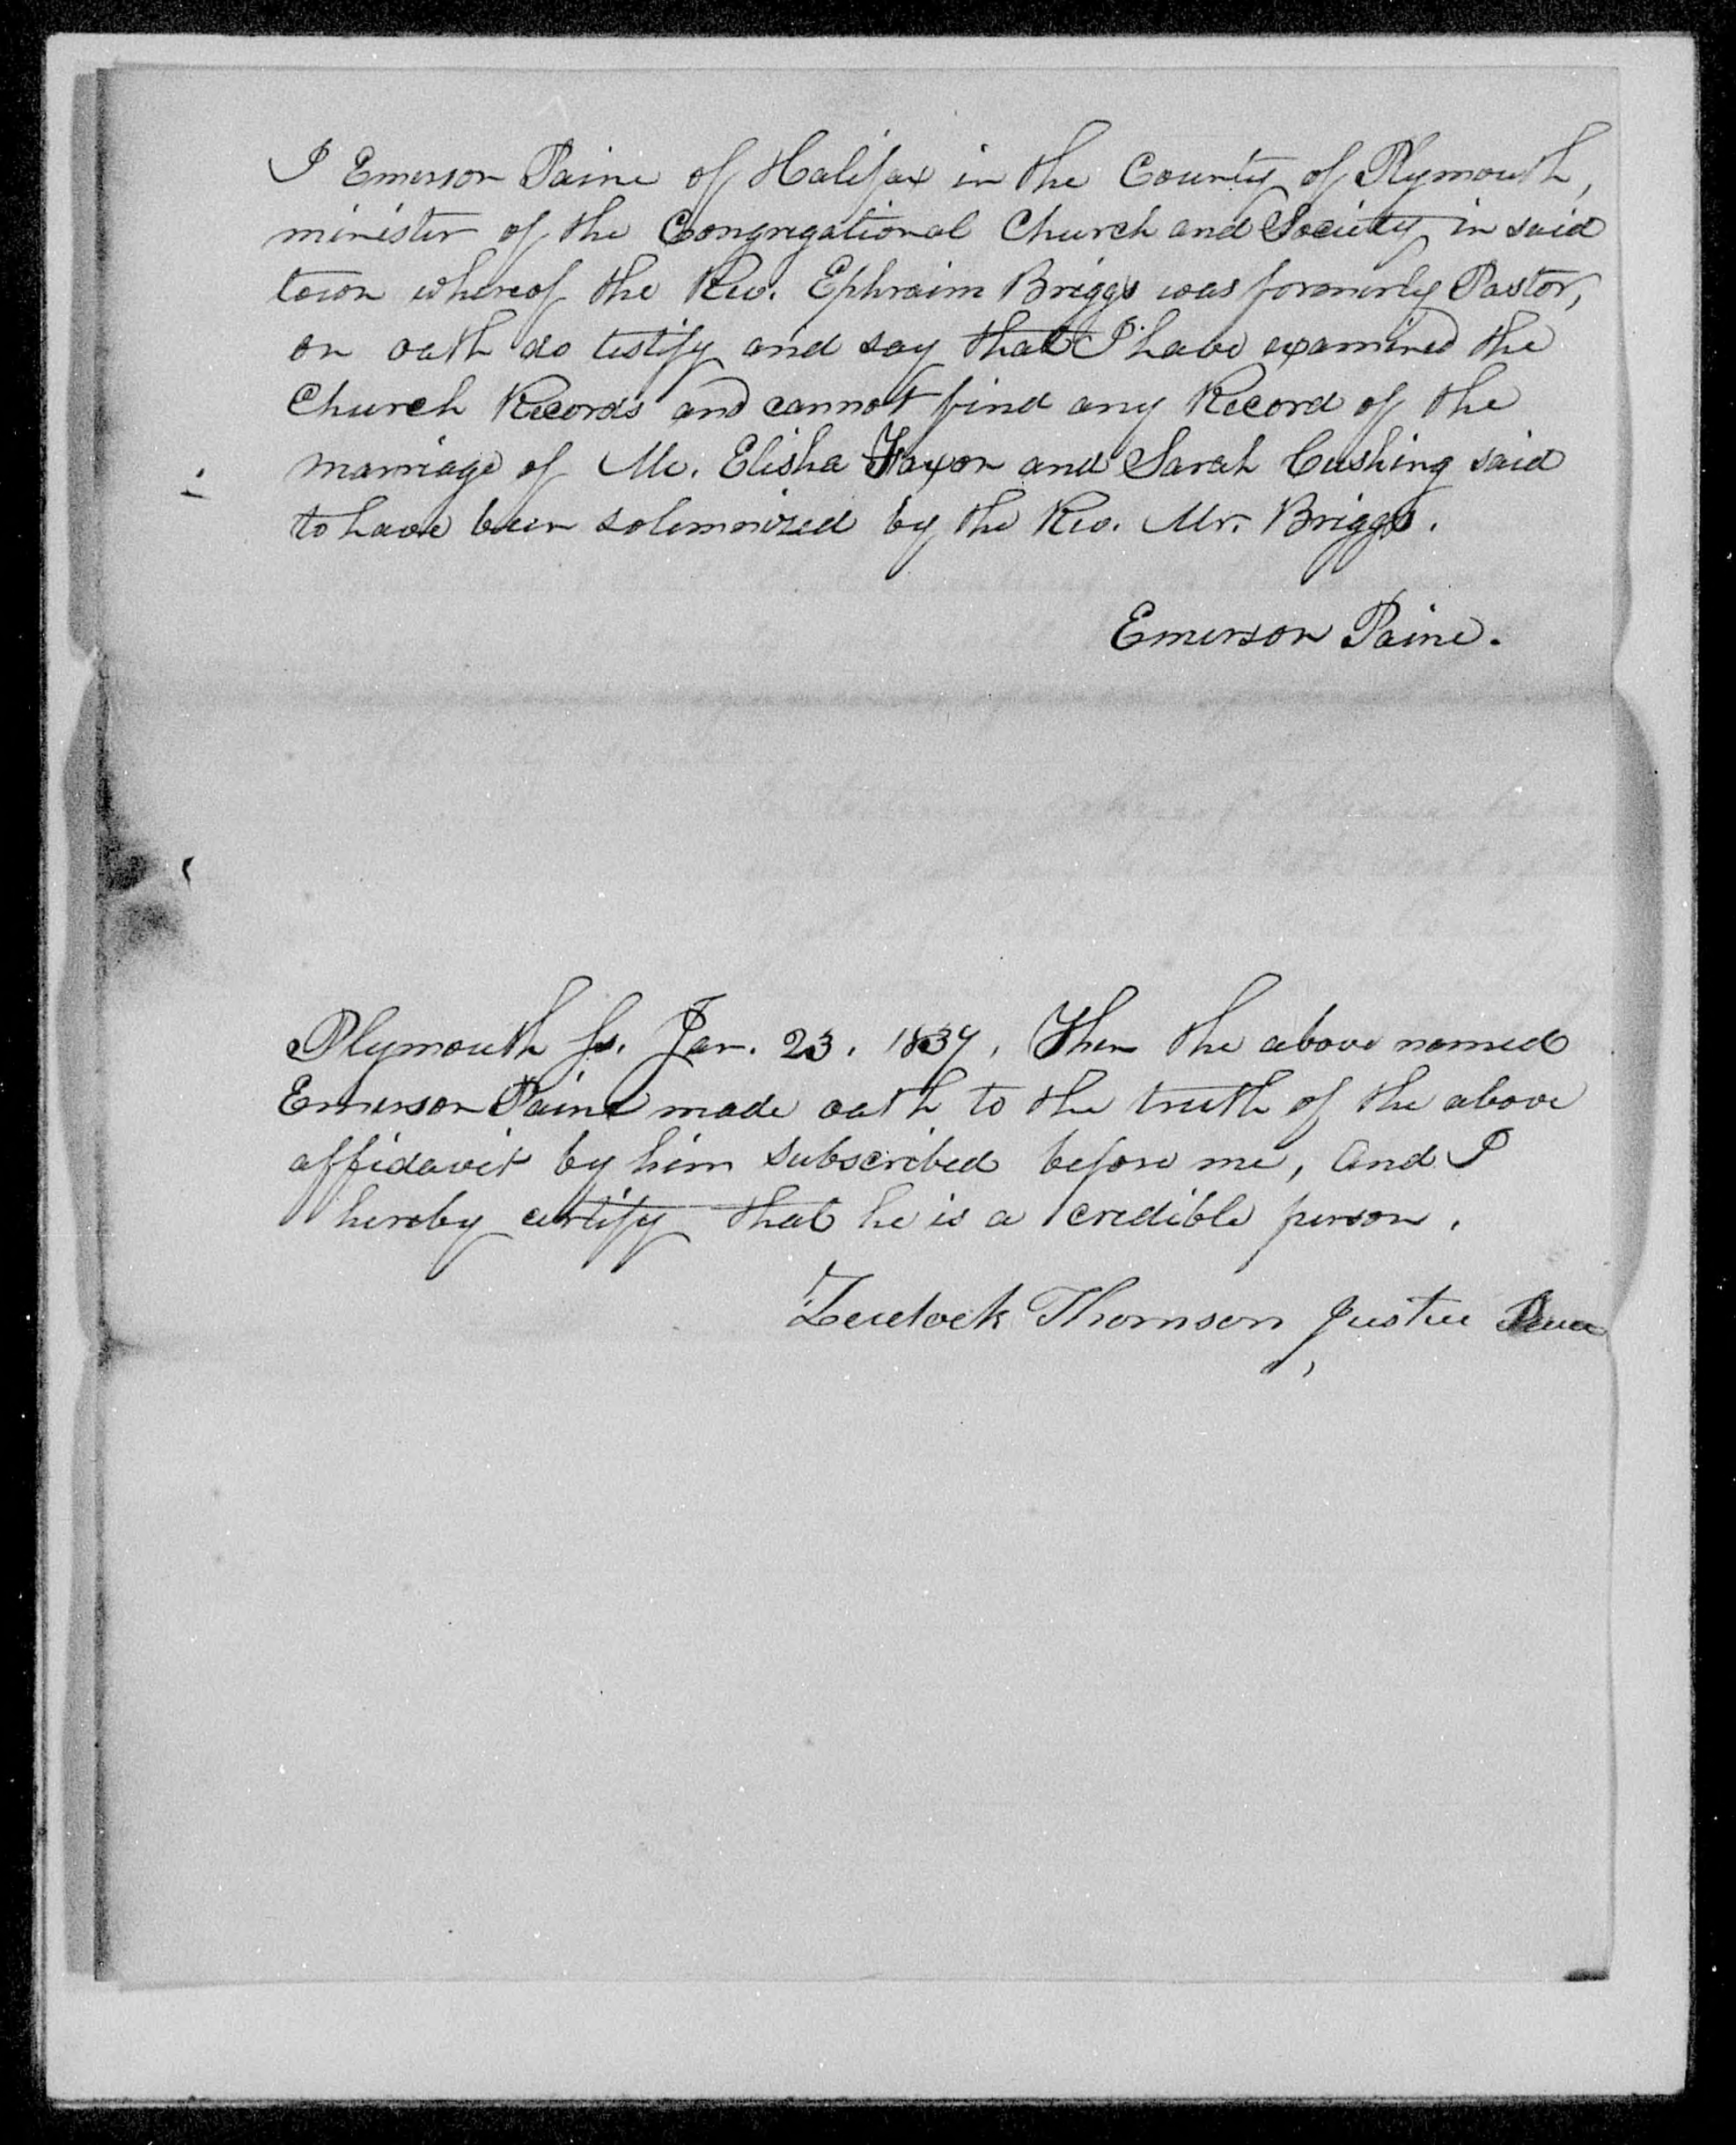I Emerson Paine of Halifax in the County of Plymouth, minister of the Congregational Church and Society in said town whereof the Rev. Ephraim Briggs was formerly Pastor, on oath do testify and say that I have examined the Church Records and cannot find any Record of the marriage of Mr. Elisha Faxon and Sarah Cushing said to have been (illegible) by the Rev. Mr. Briggs.
Emerson Paine

Plymouth January 23, 1834. Then the above named Emerson Paine made oath to the truth of the above affidavit by him subscribed before me, and I hereby verify that he is a credible person.
Zadock Thomson, Justice Peace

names: Elisha Faxon, Emerson Paine, Zadock Thomson, Emerson Paine, Emerson Paine, Ephraim Briggs, Briggs, Sarah Cushing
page: 32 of 47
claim: widow's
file: W. 14703, Elisha Faxon, Mass